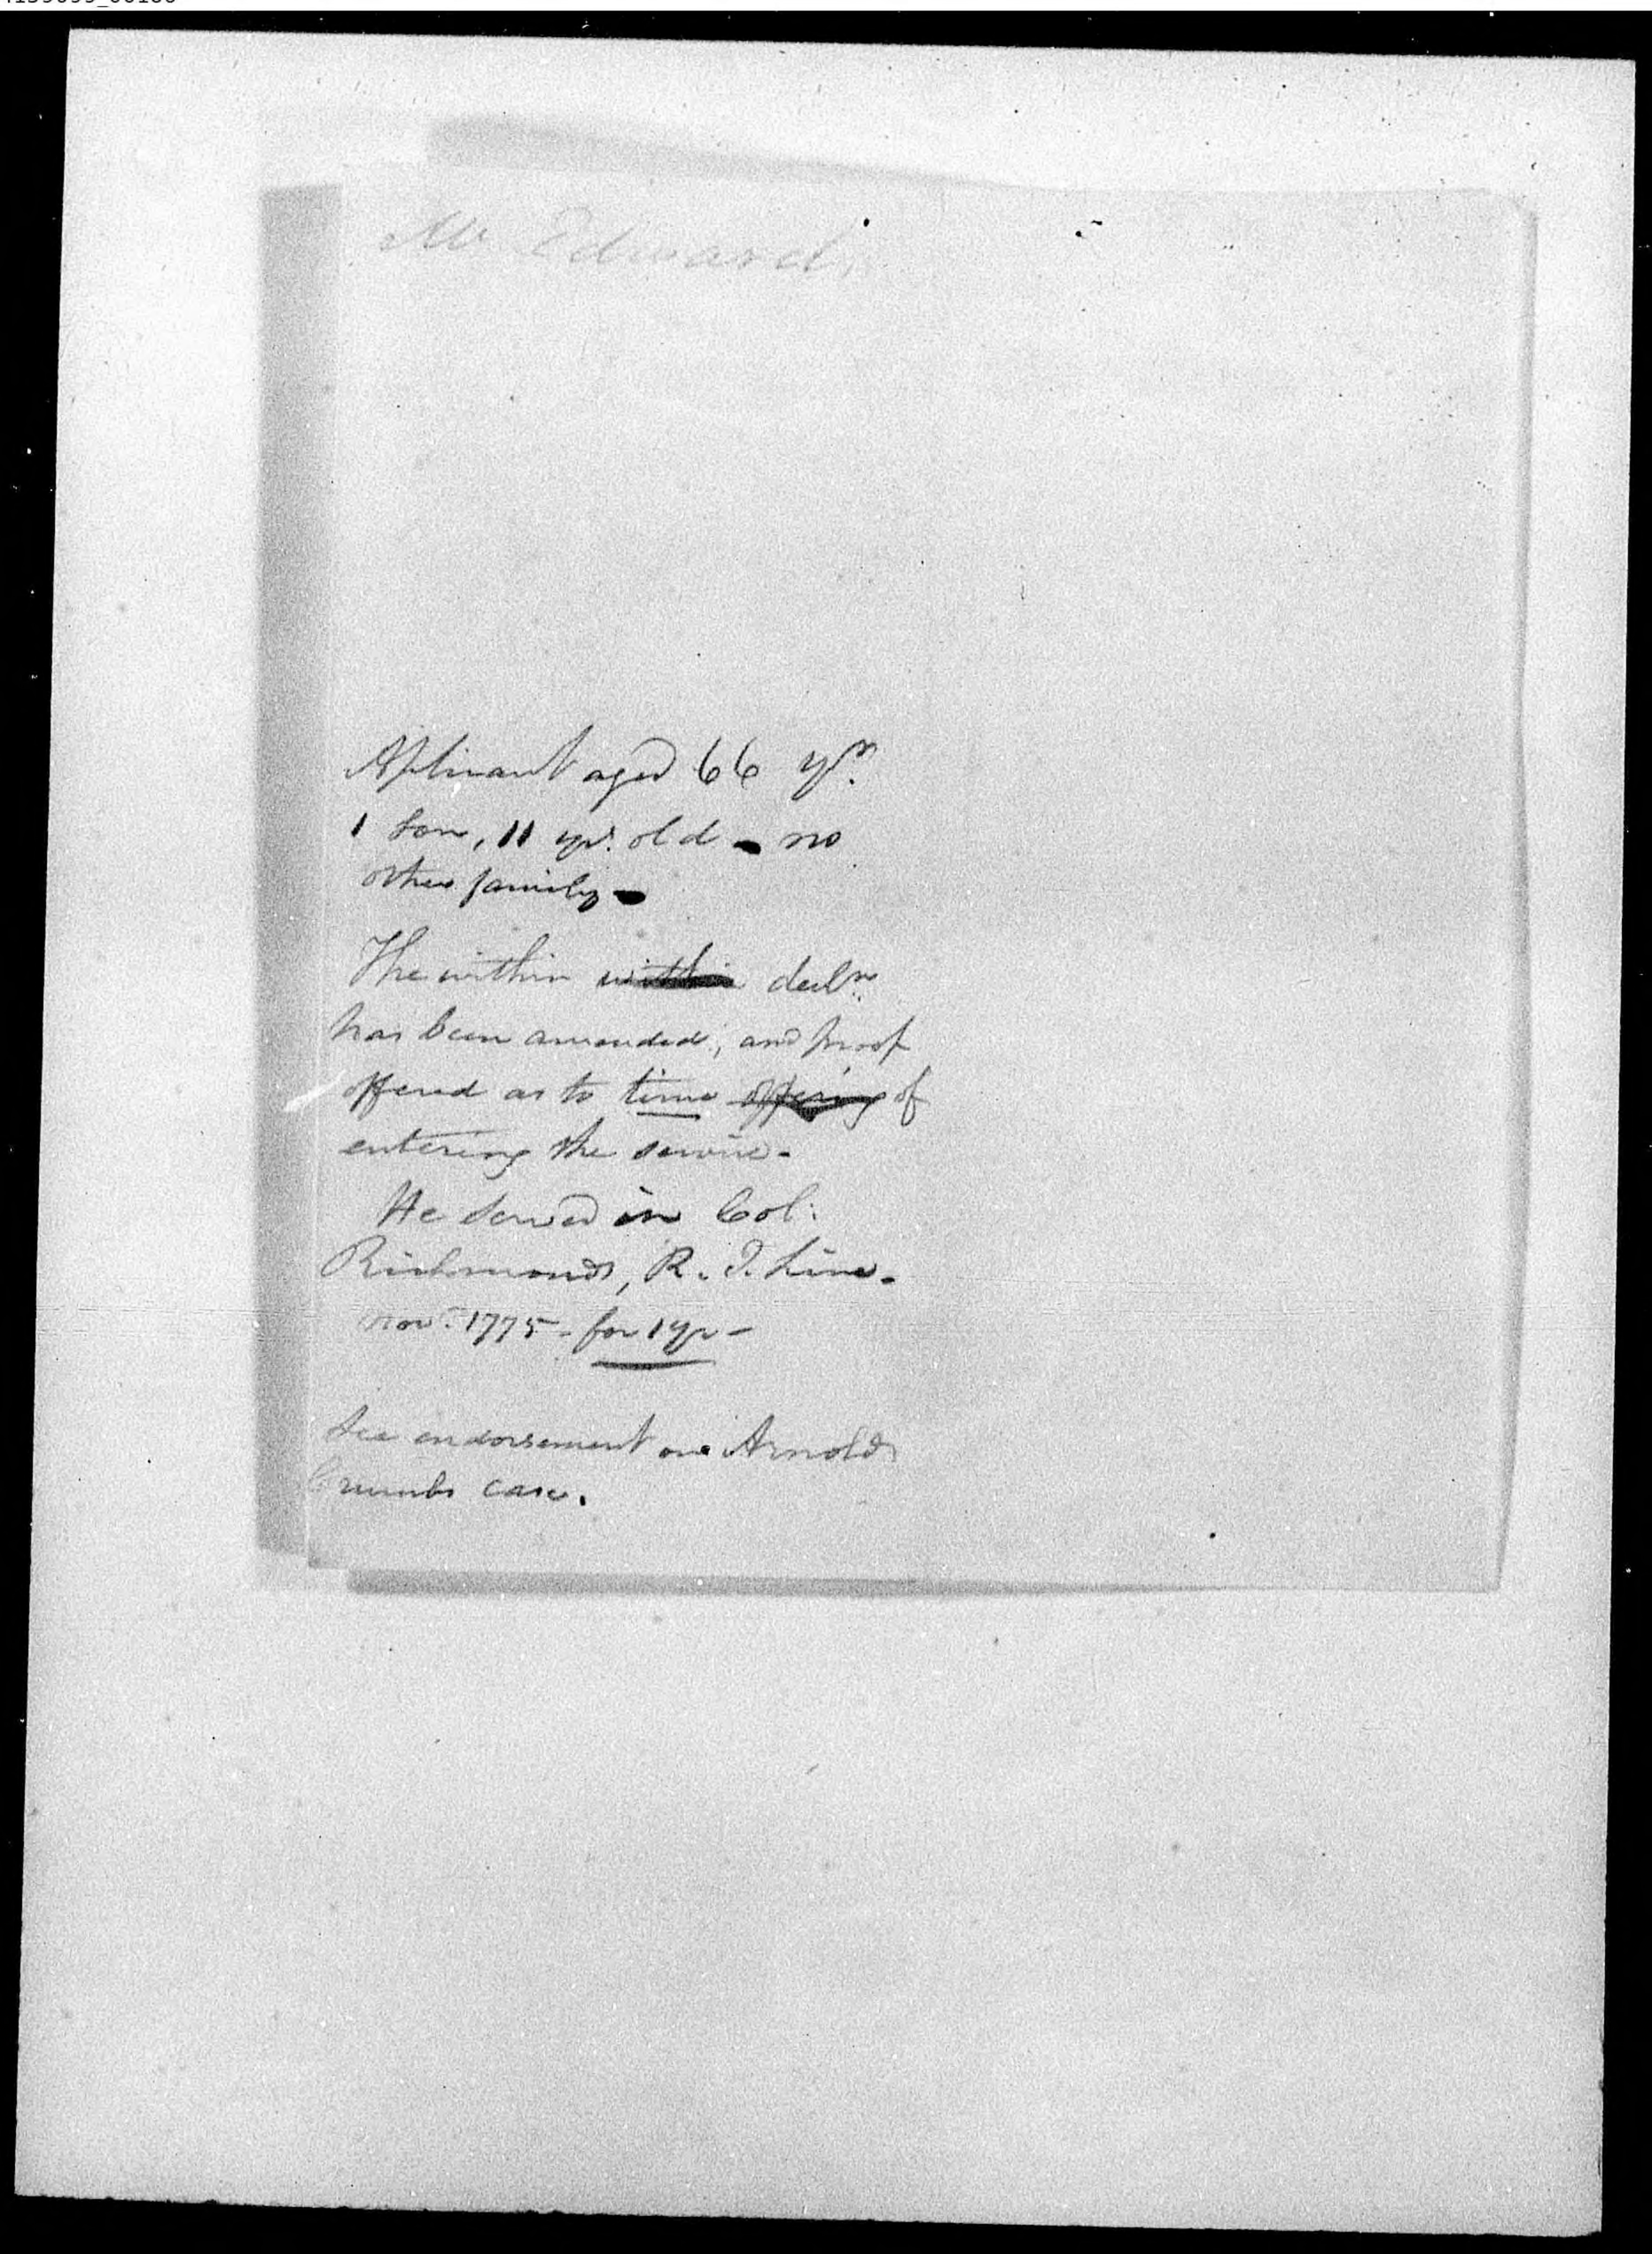M. Edward

Applicant aged 66 yr
1 son, 11 yr old no other family

The within decl.n has been amended and proof offered as to time of entering the service. 
He served in Col. Richmond, R. I. Line
Nov 1775 for 1 yr. 

See endorsement one Arnold Crumbs case.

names: Arnold Crumbs, Richmond, Edwards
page: 14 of 20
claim: survivor's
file: S. 38755, Charles Greene, R.I.